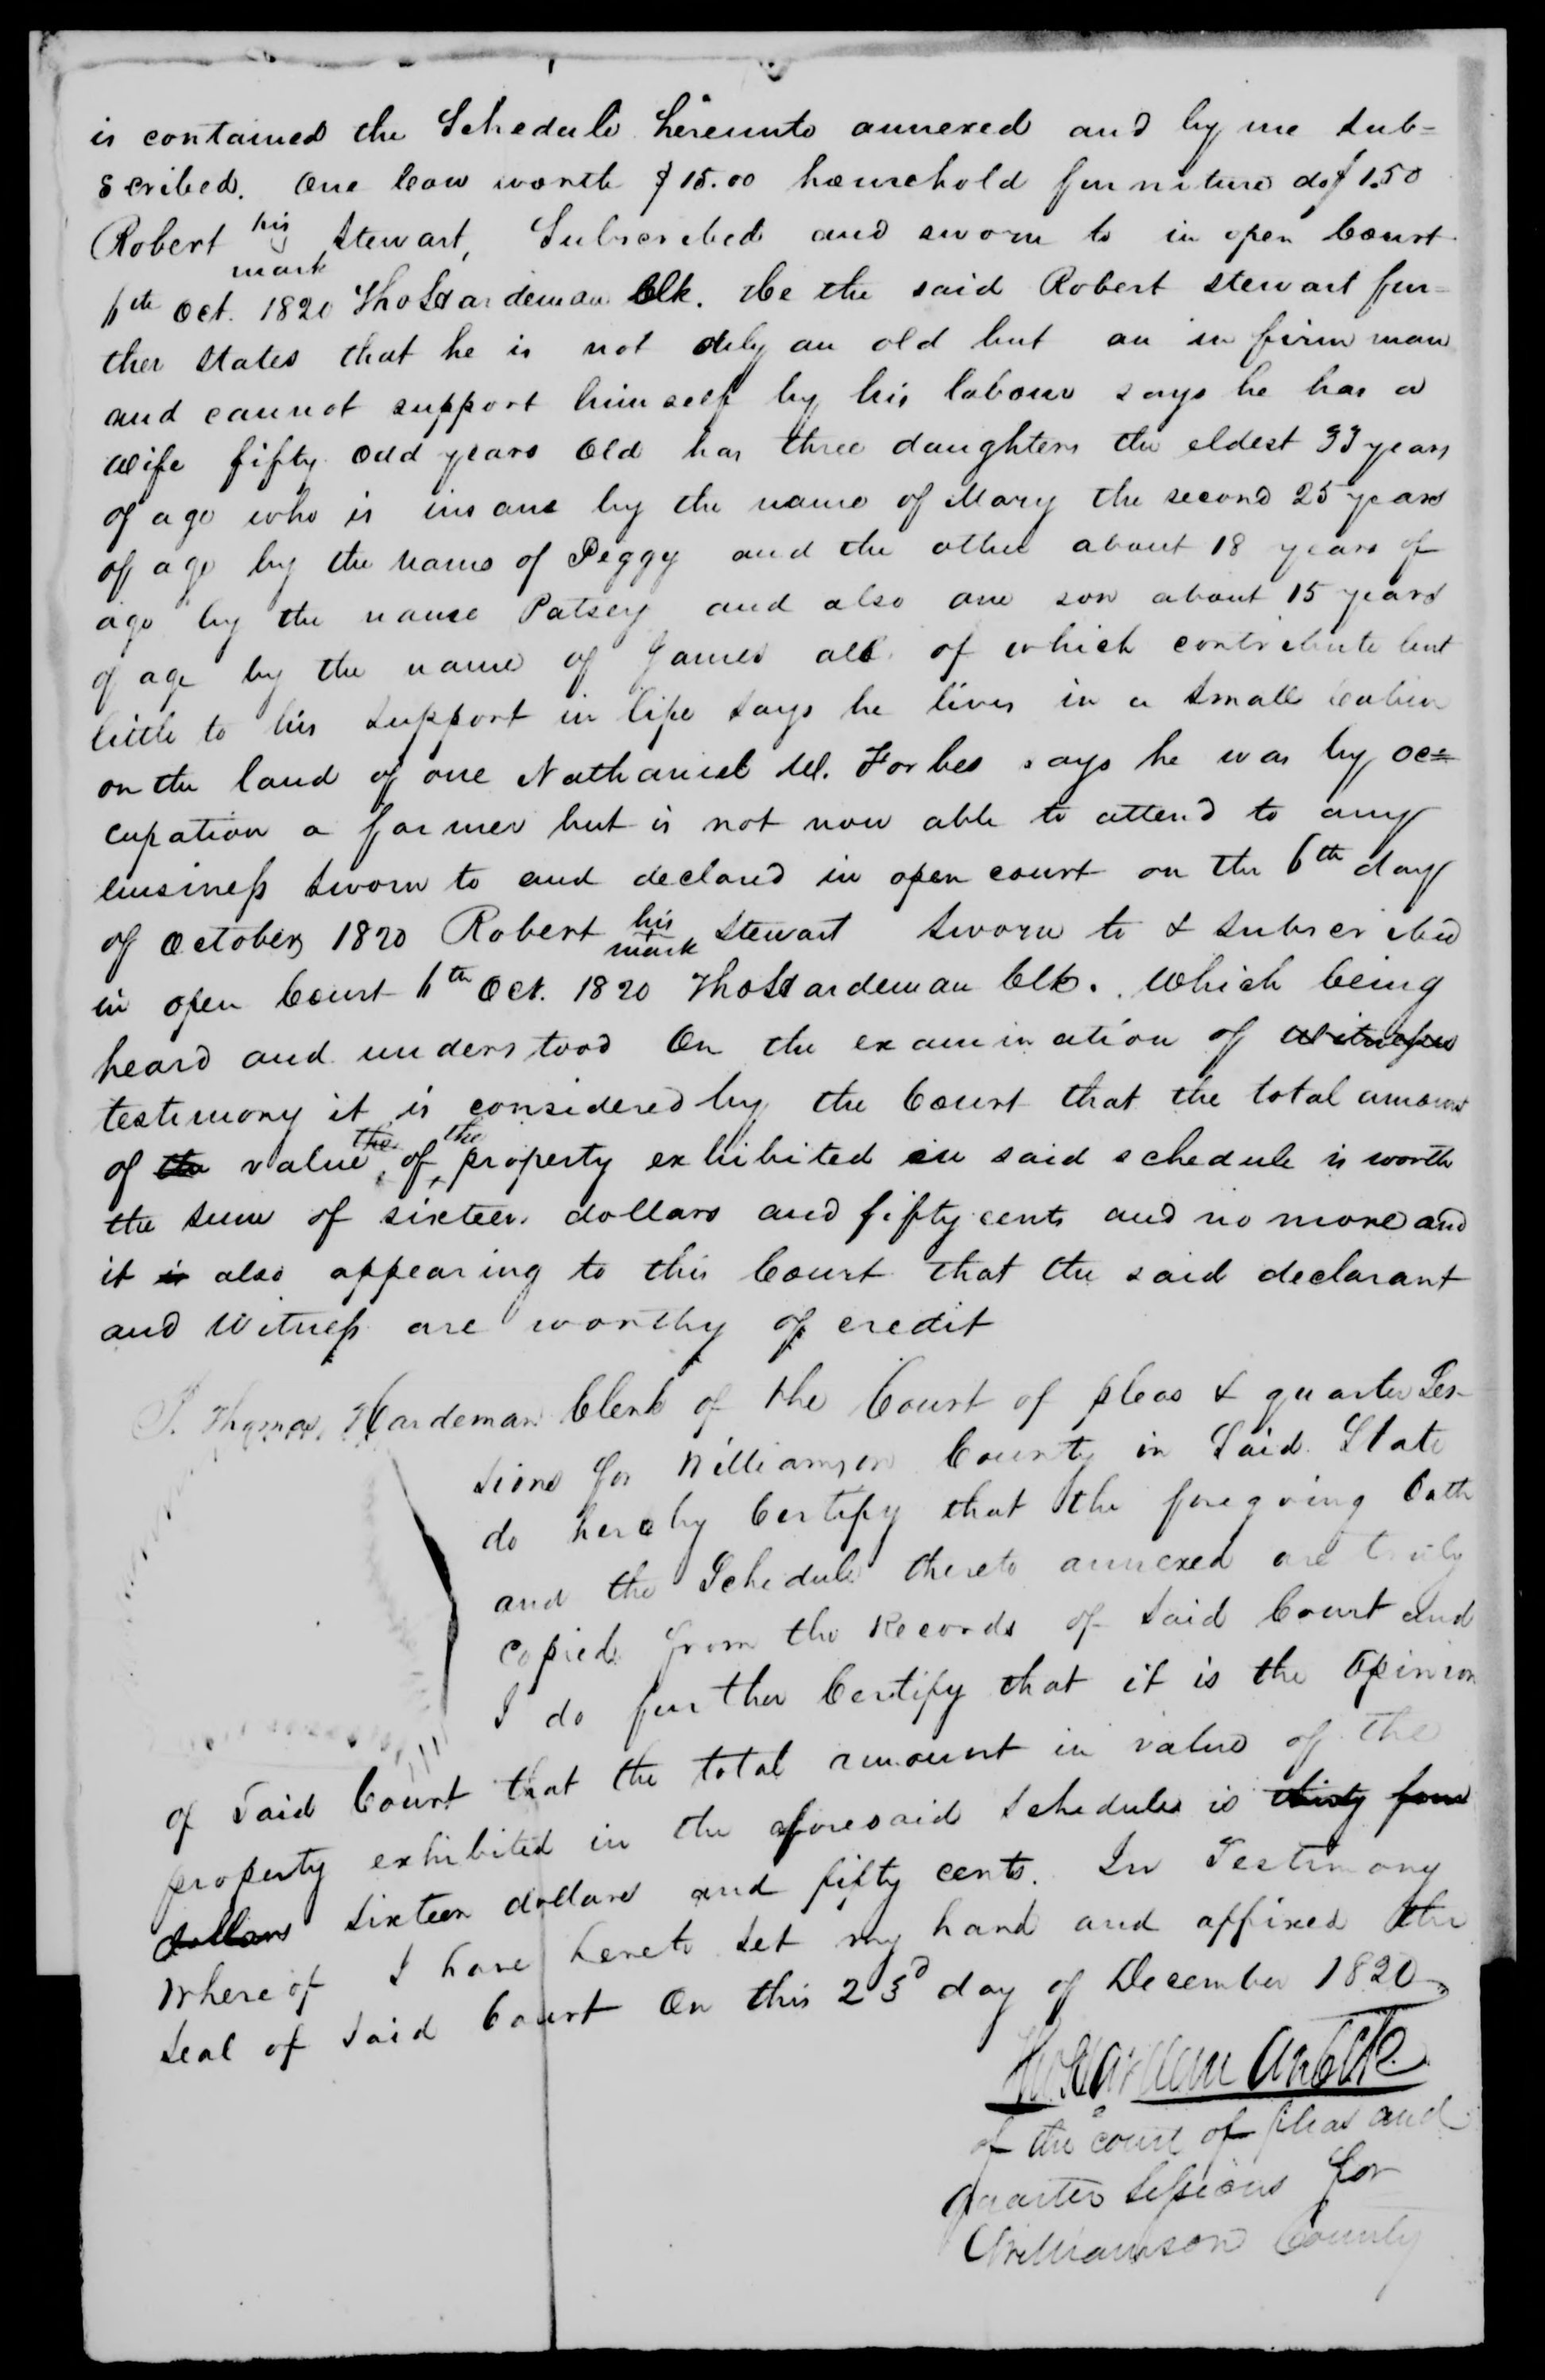is contained the Schedule hereunto annexed and by me subscribed; one cow worth $15.00, household furniture of $1.50

Robert Stewart
His X Mark

Subscribed and sworn to in open court 8th Oct 1820
Thos Hardeman - Clerk

The said Robert Stewart further states that he is not only old but an infirm man and cannot support himself by his labour (labor) says he has a wife fifty odd years old, has three daughters the eldest 33 years of age who is issued by the name of Mary, the second 25 years of age by the name of Peggy and the other about 18 years of age by the name of Patsey and also one son about 15 years of age by the name of James - all of which contribute but little to his support in life says he lives in a small cabin on the land of one Nathaniel W Forbes, says he was by occupation a farmer but is not now able to attend to any business. Sworn to and declared in open court on the 6th day of October 1820.

Robert Stweart
His X Mark

Sworn to and subscribed in open court 6th Oct 1820
Tho Hardeman - Clerk

which being heard and understood on the examination of testimony it is considered by the court that the total amount of value of the property exhibited in said schedule is worth the sum of Sixteen dollars and fifty cents and no more and it also appearing to this court that the said declarant and witness are worthy of credit.

I Thomas Hardeman - Clerk of the court of Pleas & Quarter sessions of Williamson County in said state do hereby certify that the foregoing oath and the schedule thereto annexed are truly copied from the records of said court and I do further certify that it is the opinion of said court that the total amount in value of the property exhibited in the aforesaid schedule is sixteen dollars and fifty cents. In testimony whereof I have hereto set my hand and affixed the seal of said court on this 23rd day of December 1820.

Thos Hardeman - Clerk
of the Court of Pleas and Quarter Sessions for Williamson County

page: 5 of 15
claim: survivor's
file: S 39089, for Robert Stewart, Maryland